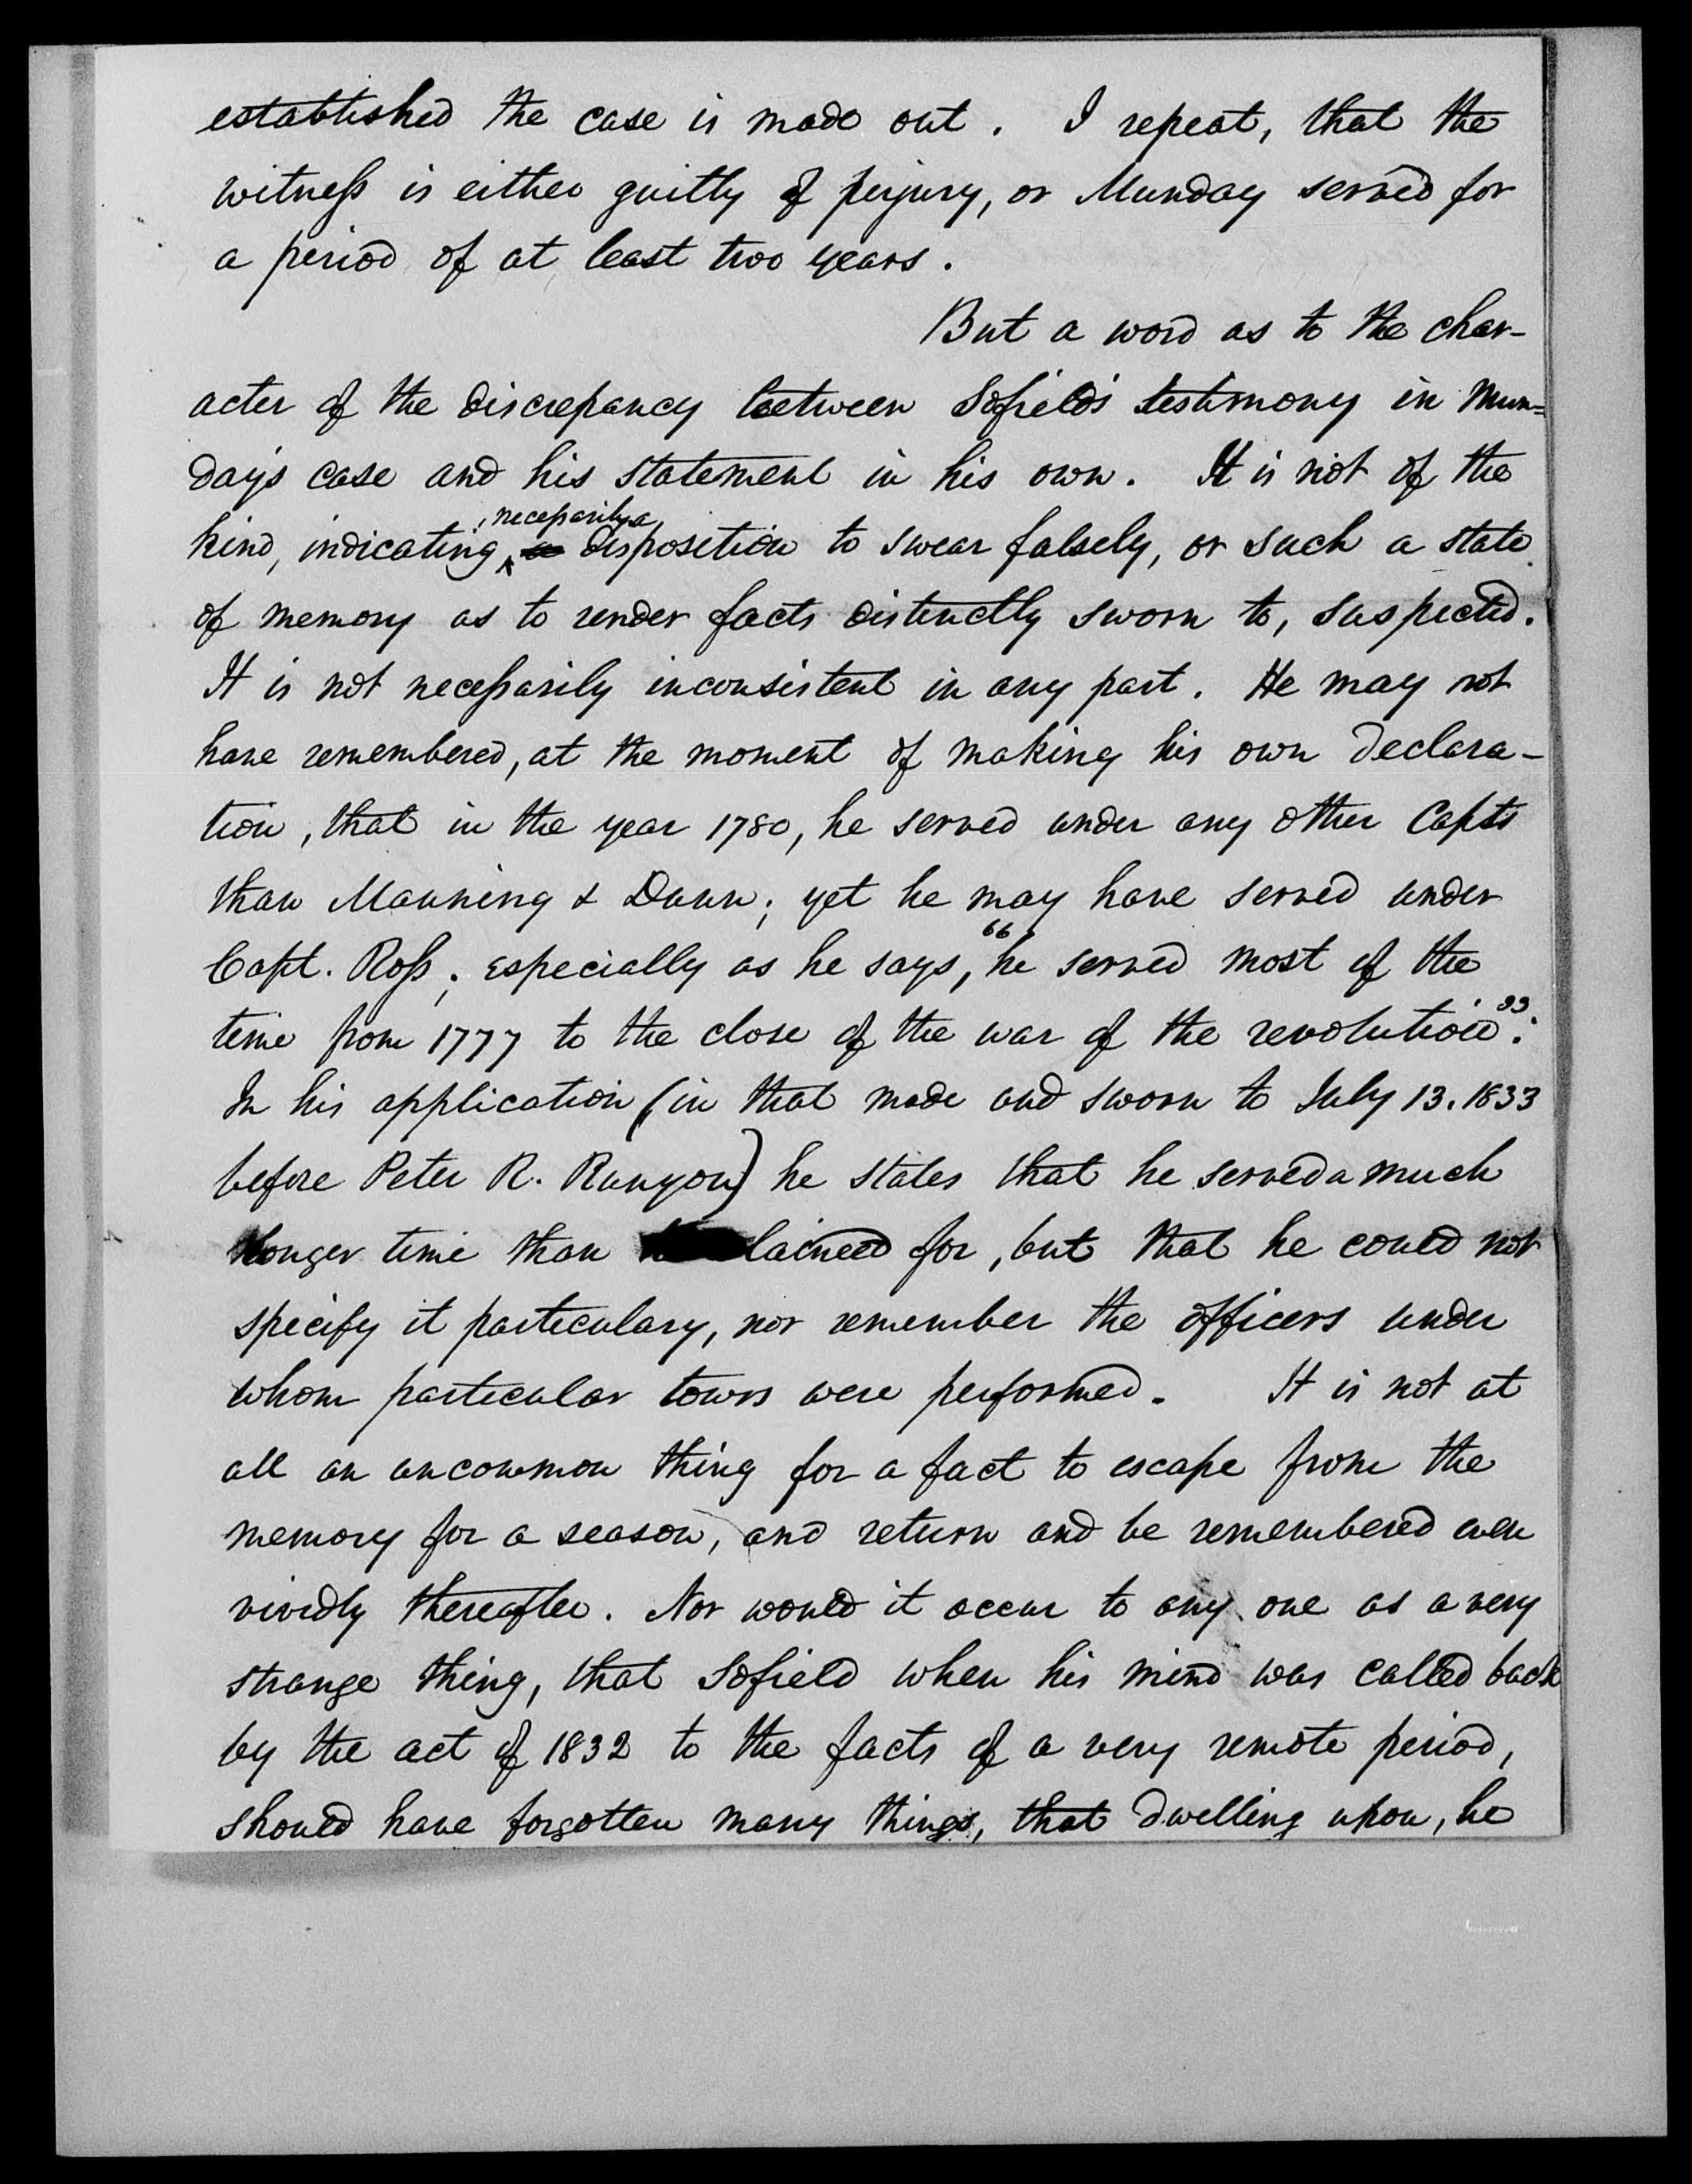...established the case is made out. I repeat, that the witness is either guilty of perjury, or Munday served for a period of at least two years.

But a word as to the character of the discrepancy between Sofield's testimony in Munday's case and his statement in his own. It is not of the kind, indicating necessarily a disposition to swear falsely, or such a state of memory as to render facts distinctly sworn to, suspected. It is not necessarily inconsistent in any part. He may not have remembered, at the moment of making his own declaration, that in the year 1780, he served under any other capts.
than Manning & Dunn, yet he may have served under Capt. Ross, especially as he says, "he served most of the time from 1777 to the close of the war of the revolution." In his application (in that made and sworn to July 13, 1833 before Peter R. Ranyon) he states that he served a much longer time than explained for, but that he could not specify it particularly, nor remember the officers under whom particular towns were performed. It is not at all an uncommon thing for a fact to escape from the memory for a season, and return and be remembered more vividly thereafter. Nor would it occur to any one as a very strange thing, that Sofield when his mind was called back by the act of 1832 to the facts of a very remote period, should have forgotten many things, that dwelling upon, he...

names: Shaw Dunn; Shaw Manning; [BLANK] Ross; Peter R Runyon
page: 63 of 95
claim: survivor's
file: S 2889, for Levi Mundy, New Jersey